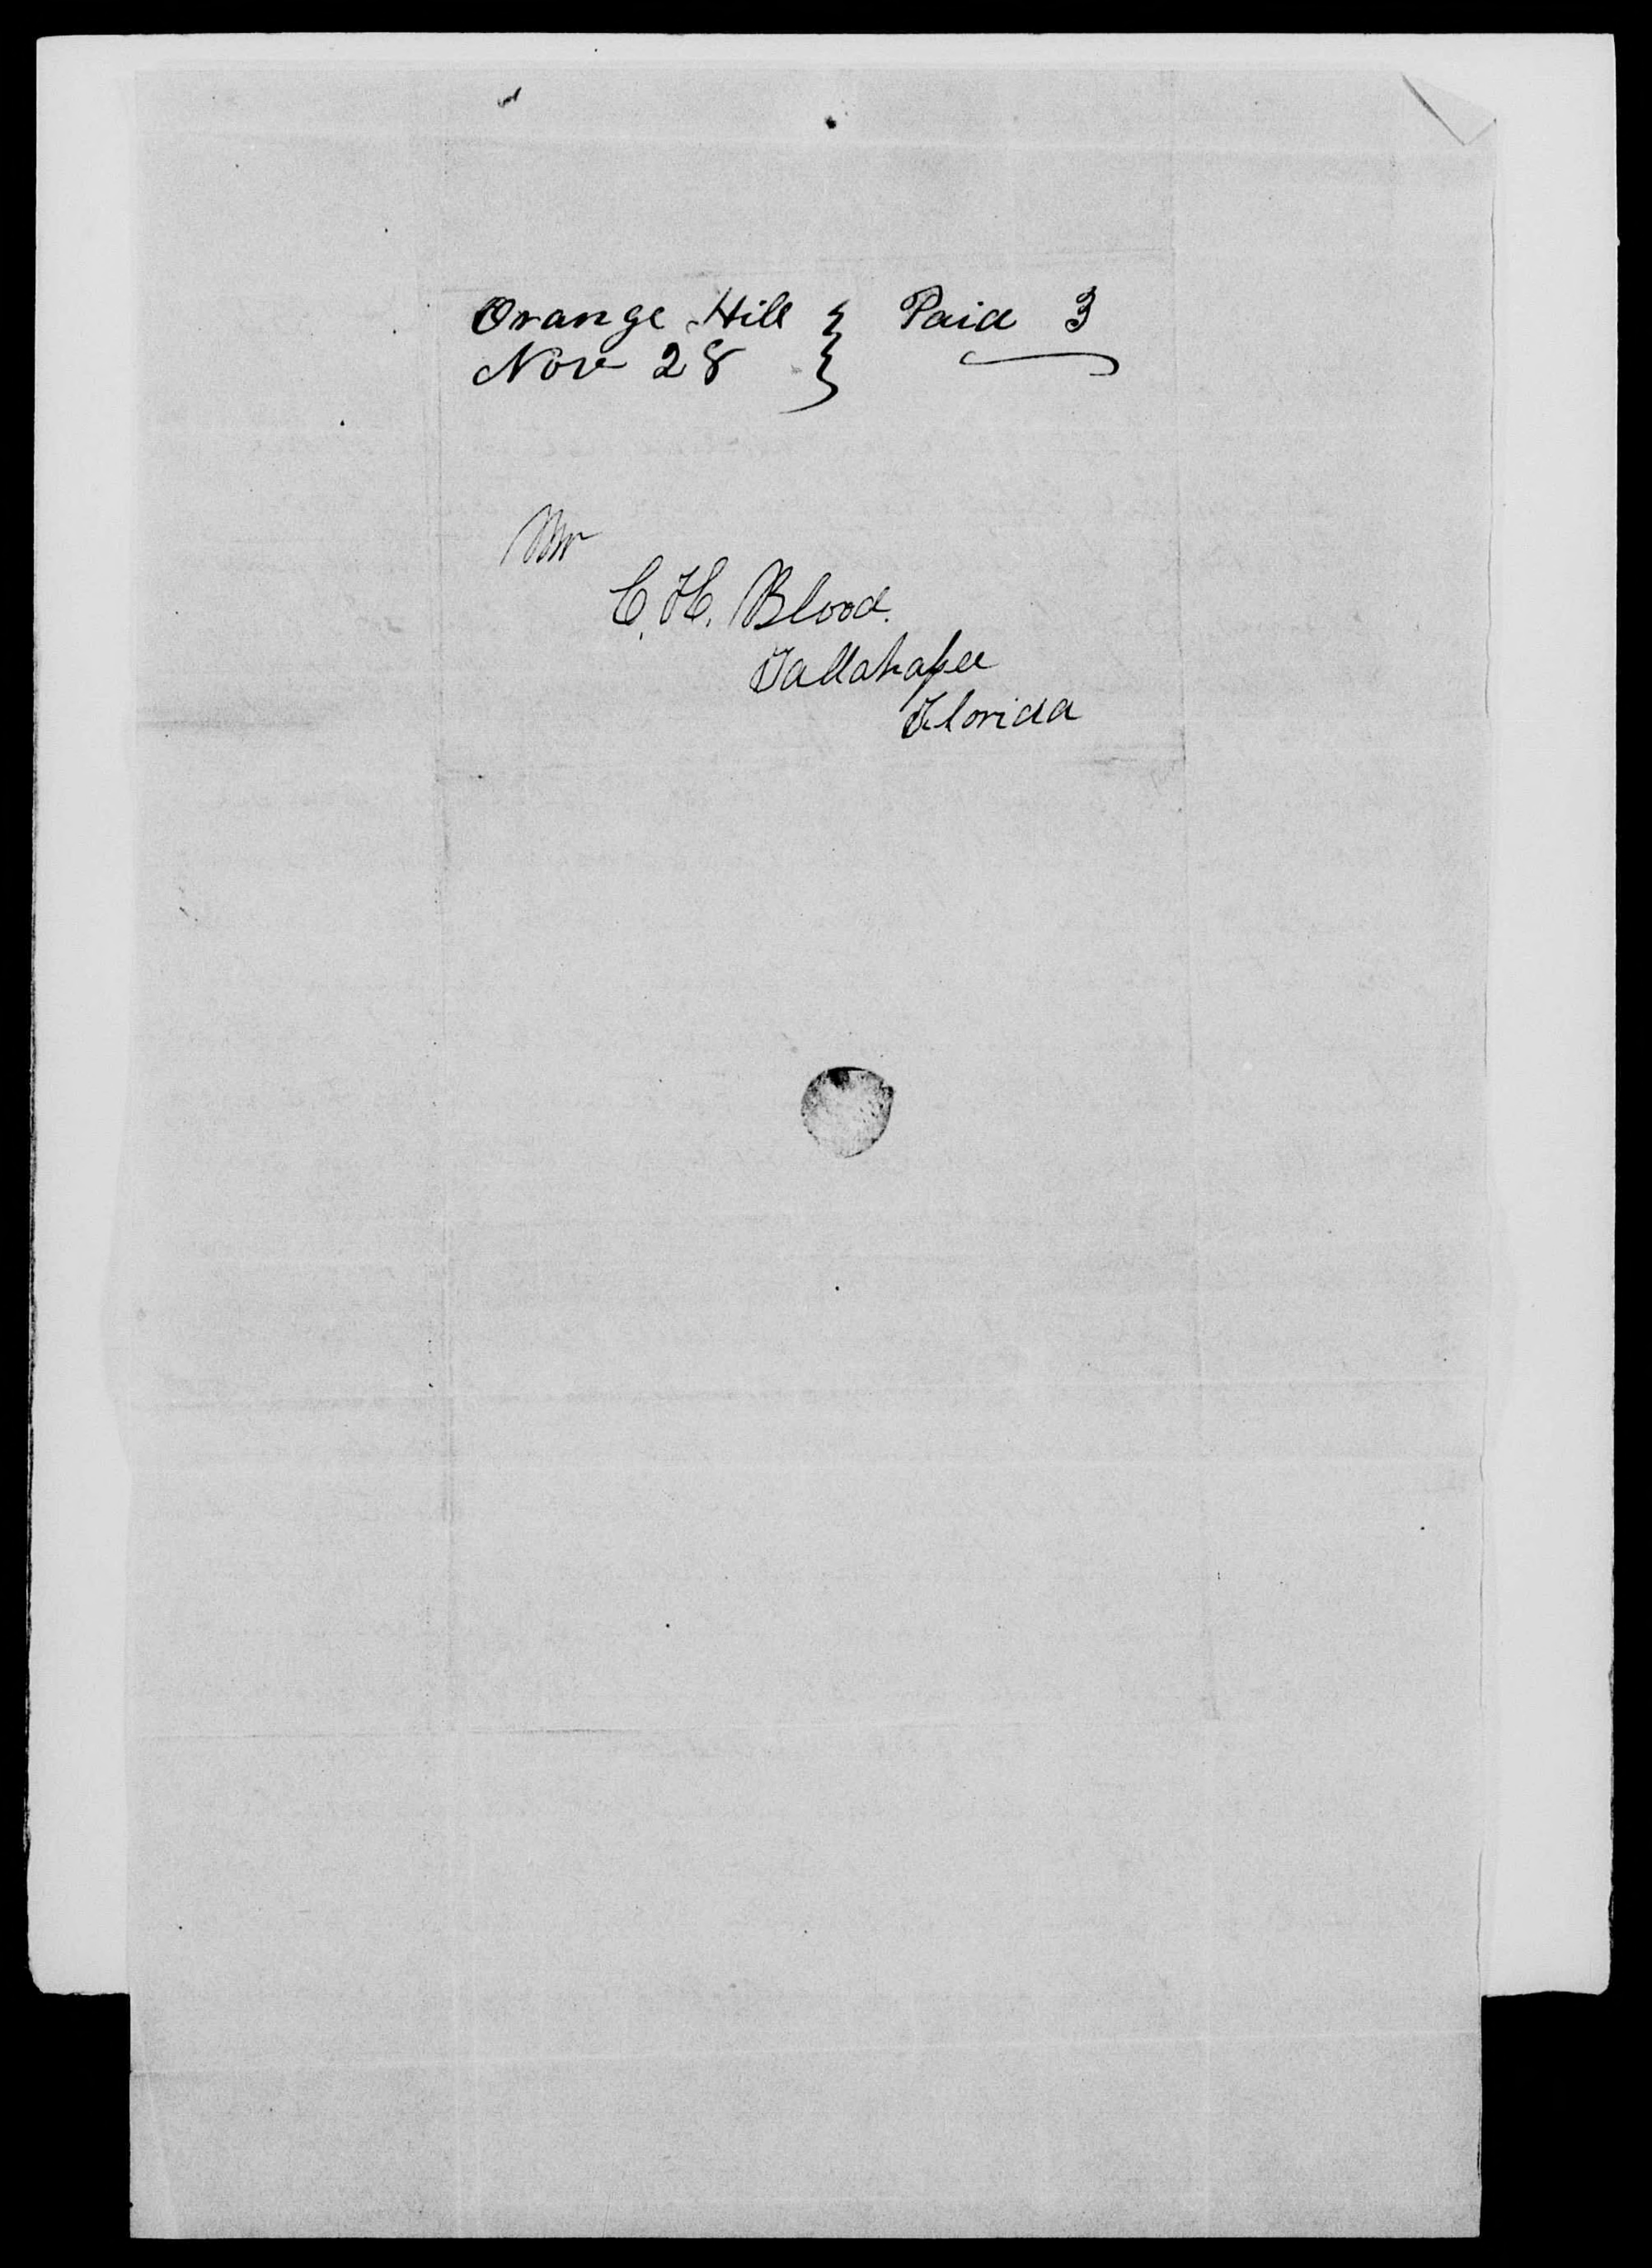Orange Hill 
Nov 28⎬ Paid 3
Mr C. H. Blood 
Tallahassee Florida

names: C H Blood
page: 4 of 14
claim: rejected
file: R. 4463, Hall Hudson, S.C.